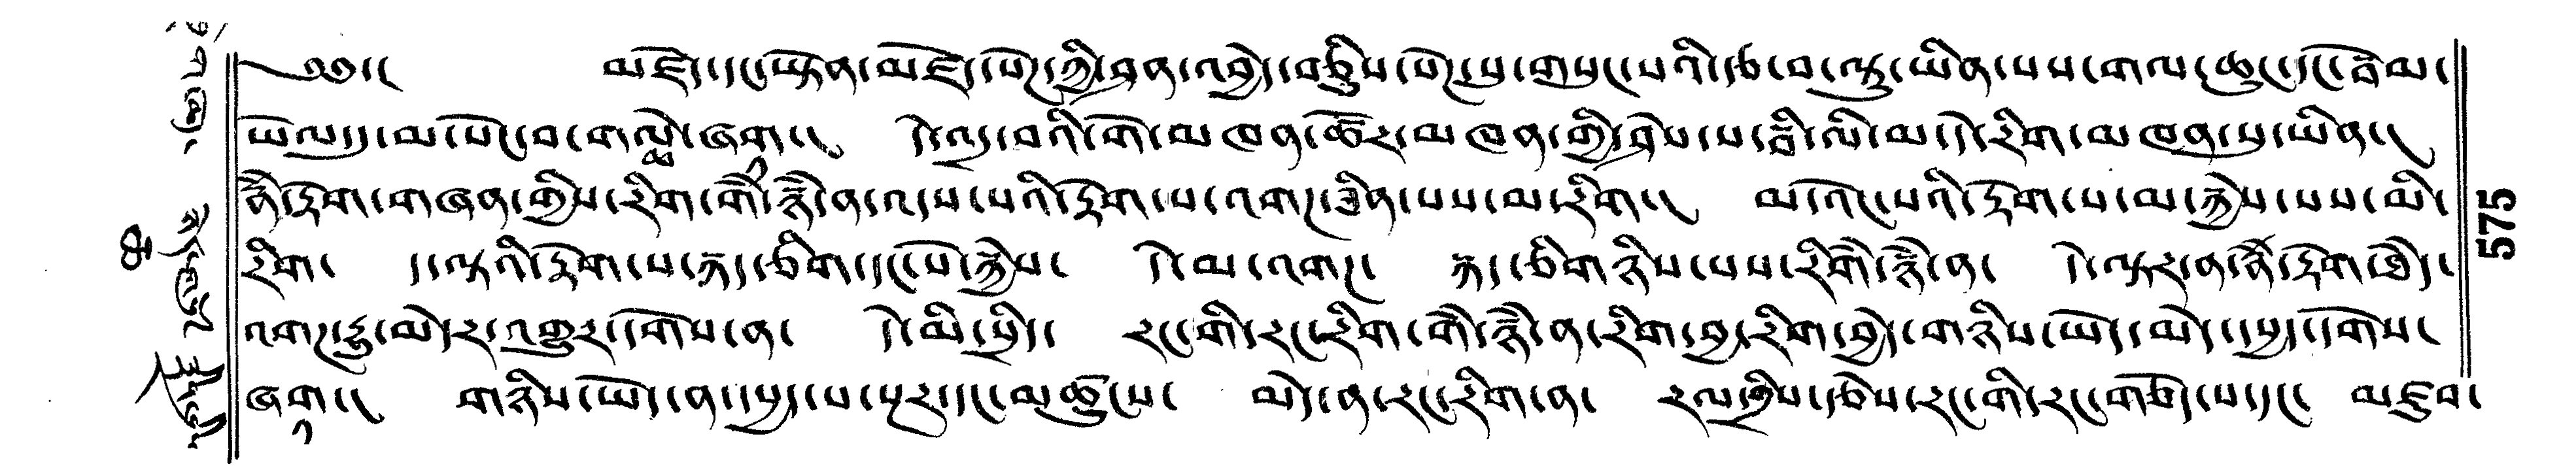མཛོད་དང་ཡོན་ཏན་མཛོད་སོགས་ཀྱི་ཤན་འབྱེད་བཅུ་གཉིས་སོགས་སུ་གསུངས་པའི་རྩ་བ་ལྟ་བུ་ཡིན་པས་གལ་ཆུང་དང་སྦོམ་
ཡོལ་དུ་མ་སོང་བ་གལ་ཆེན་བཞག་གཅིག དེ་འདྲ་བའི་གོ་མཁན་ཚོར་མཁན་གྱི་ཤེས་པ་སྦི་ལི་མ་དེ་རིག་མཁན་སུ་ཡིན། 
རྣམ་རྟོག་གཞན་གྱིས་རིག་གམ་སྙམ་ན་འདས་པའི་རྟོག་པ་འགགས་ཟིན་པས་མ་རིགམ་འོངས་པའི་རྟོག་པ་མ་སྐྱེས་པས་མི་
རིག ད་ལྟའི་རྟོག་པ་སྐད་ཅིག་དང་པོ་སྐྱེས། དེ་མ་འགགས། སྐད་ཅིག་གཉིས་པས་རིག་གམ་སྙམ་ན། དེ་ལྟར་ན་རྣམ་རྟོག་ཐམས་ཅད་
འགགས་རྒྱུ་མེད་པར་འགྱུར་དགོས་པས། དེ་མི་སྲིད། རང་གི་རང་རིག་གམ་སྙམ་ན་རིག་བྱ་རིག་བྱེད་གཉིས་ཡོད་མེད་དཔྱད་དགོས་
ཞག་གཅིག གཉིས་ཡོད་ན་དཔྱད་པ་སྔར་དང་མཚུངས། མེད་ན་རང་རིག་ན། རལ་གྲིས་རྩེས་རང་གི་རང་གཅོད་པ་དང་། མཛུབ་